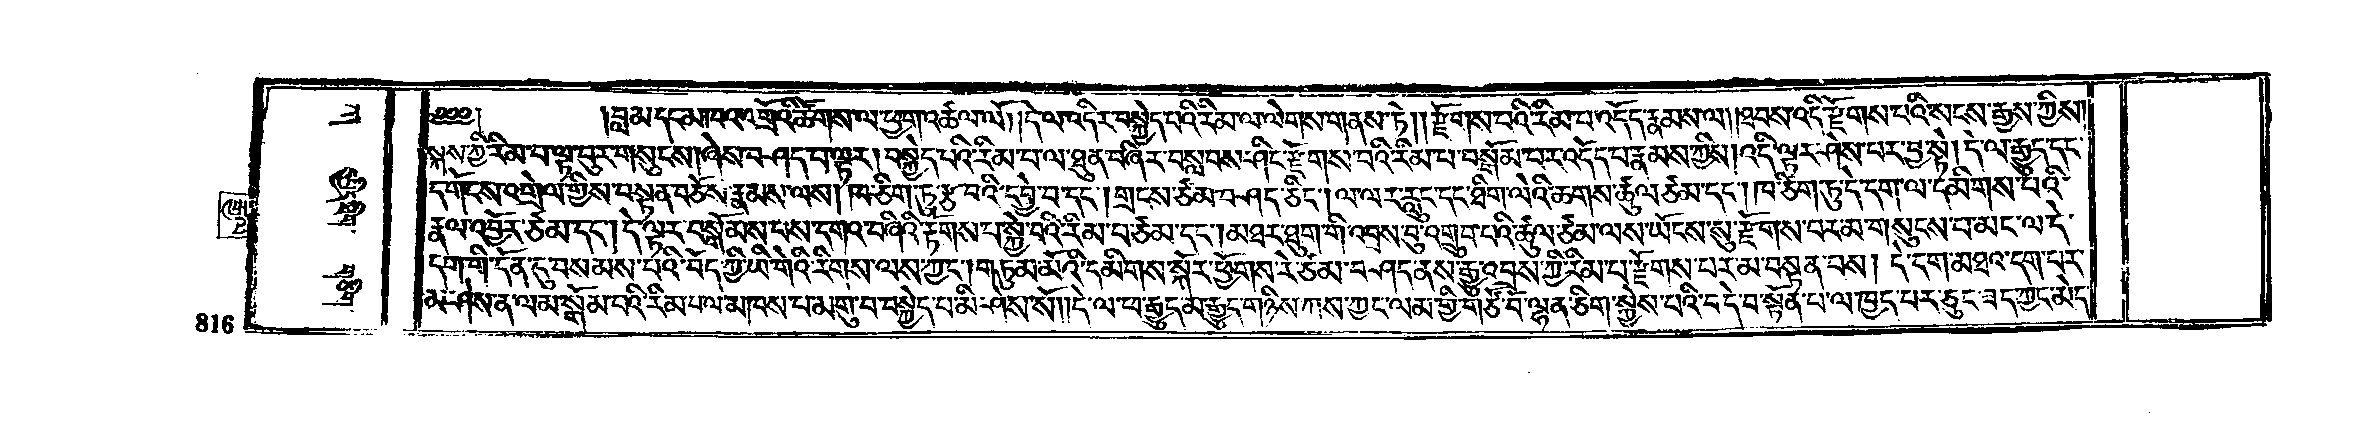༄༅༅། །བླ་མ་དང་མཁའ་འགྲོའི་ཚོགས་ལ་ཕྱག་འཚལ་ལོ། །དེ་ལ་འདིར་བསྐྱེད་པའི་རིམ་ལ་ལེགས་གནས་ཏེ། །རྫོགས་པའི་རིམ་པ་འདོད་རྣམས་ལ། །ཐབས་འདི་རྫོགས་པའི་སངས་རྒྱས་ཀྱིས།
སྐས་ཀྱི་རིམ་པ་ལྟ་བུར་གསུངས། ཞེས་བཤད་པ་ལྟར། བསྐྱེད་པའི་རིམ་པ་ལ་ཐུན་བཞིར་བསླབས་ཤིང་རྫོགས་པའི་རིམ་པ་བསྒོམ་པར་འདོད་པ་རྣམས་ཀྱིས། འདི་ལྟར་ཤེས་པར་བྱ་སྟེ། དེ་ལ་རྒྱུད་དང་
དགོངས་འགྲེལ་གྱིས་བསྟན་བཅོས་རྣམས་ལས། ཁ་ཅིག་ཏུ་རྩ་བའི་དབྱེ་བ་དང་། གྲངས་ཙམ་བཤད་ཅིང་། ལ་ལར་རླུང་དང་ཐིག་ལེའི་ཆགས་ཚུལ་ཙམ་དང་། ཁ་ཅིག་ཏུ་དེ་དག་ལ་དམིགས་པའི་
རྣལ་འབྱོར་ཙམ་དང་། དེ་ལྟར་བསྒོམས་པས་དགའ་བཞིའི་རྟོགས་པ་སྐྱེ་བའི་རིམ་པ་ཙམ་དང་། མཐར་ཐུག་གི་འབྲས་བུ་འགྲུབ་པའི་ཚུལ་ཙམ་ལས་ཡོངས་སུ་རྫོགས་པར་མ་གསུངས་པ་མང་ལ་དེ་
དག་གི་དོན་དུ་བསམས་པའི་བོད་ཀྱི་ཡི་གེའི་རིགས་ལས་ཀྱང་། གཏུམ་མོའི་དམིགས་སྐོར་ཕྱོགས་རེ་ཙམ་བཤད་ནས་རྒྱུ་འབྲས་ཀྱི་རིམ་པ་རྫོགས་པར་མ་བསྟན་པས། དེ་དག་མཐའ་དག་པར་
མ་ཤེས་ན་ལམ་སྒོམ་པའི་རིམ་པ་ལ་མཁས་པ་མགུ་བ་བསྐྱེད་པ་མི་ཤེས་སོ། །དེ་ལ་ཕ་རྒྱུད་མ་རྒྱུད་གཉིས་ཀས་ཀྱང་ལམ་གྱི་གཙོ་བོ་ལྷན་ཅིག་སྐྱེས་པའི་བདེ་བ་སྟོན་པ་ལ་ཁྱད་པར་ཅུང་ཟད་ཀྱང་མེད་